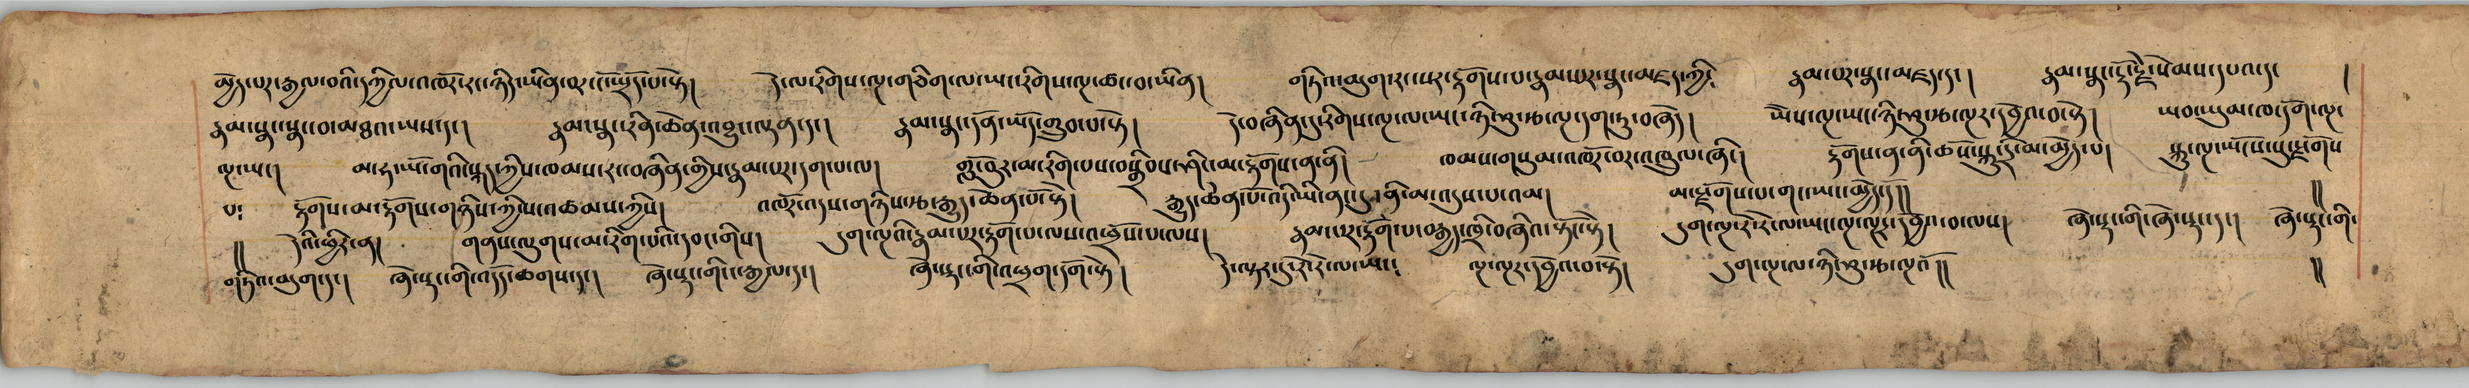མྱེད་པར་རྒྱལ་བའི་དཀྱིལ་འཁོར་རང་ཉིད་ཡིན་བར་ངོ་སྤྲོད་པ་སྟེ། དེ་ལ་རིགས་ལྔ་གཅིག་ལ་ཡང་རིགས་ལྔ་ཚདྷ་བ་ཡིན། གཏིའ་མུག་རང་སར་རྟོགས་པ་རྣམས་ར་སྣང་མཛད་ཀྱི༴ རྣམ་པར་སྣང་མཛད་དང། རྣམ་སྣང་རྡོ་རྗེ་སེམས་དཔའ་དང
རྣམ་སྣང་སྣང་བ་མཐའ་ཡས་དང། རྣམ་སྣང་རིན་ཆེན་འབྱུང་ལྡན་དང། རྣམ་སྣང་དོན་ཡོད་གྲུབ་པ་སྟེ། དེ་བཞིན་དུ་རིགས་ལྔ་ལ་ཡང་ཉི་ཤུ་རྩ་ལྔ་དག་ཏུ་བཞེད། ཡཻས་ལྔ་ཡང་ཉི་ཤུ་རྩ་ལྔར་དབྱེའ་བ་སྟེ། ཡབ་ཡུམ་ཁ་དོག་ལྔ་
ལྔ་ཡང། མ་ཧ་ཡོ་གའི་སྐད་ཀྱིས་ཁམས་རང་བཞིན་གྱིས་རྣམ་པར་དག་པ་ལ། གློ་བུར་མ་རིག་བསྒྲིབས་ཤིང་མ་རྟོགས་ན་ནི། ཁམས་གསུམ་འཁོར་བར་འཁྲུལ་ཞིང། རྟོགས་ན་ནི་ཆོས་སྐུ་དྲི་མ་མྱེད་པ། སྐུ་ལྔ་ཡོངས་སུ་སྫོགས
པ༴ རྟོགས་མ་རྟོགས་གཉིས་ཀྱིས་འཚམས་ཀྱིས། འཁཽར་འདས་གཉིས་རྩ་རྒྱུད་ཆེན་པོ་སྟེ། རྒྱུད་ཆེན་པོ་འདི་ཡི་ནང་དུ་ནི་མ་འདུས་པ་འམ། མ་སྫོགས་པ་གང་ཡང་མྱེད་དོ།།
དེའི་ཕྱིར་ན། གནས་ལུགས་མ་རིག་པའི་དབང་གིས། དུག་ལྔའི་རྣམ་པར་རྟོག་པ་ལས་འཕྲོས་པ་ལས། རྣམ་པར་རྟོག་པ་བརྒྱད་ཁྲི་བཞིའ་སྟོང་སྟེ། དུག་ལྔ་རེ་རེ་ལ་ཡང་ལྔ་ལྔར་དབྱེའ་བ་ལས། ཞེ་སྡང་གི་ཞེ་སྡང་དང། ཞེ་སྡང་གི་
གཏིའ་མུག་དང། ཞེ་སྡང་གི་འདོད་ཆགས་དང། ཞེ་སྡང་གི་ང་རྒྱལ་དང། ཞེ་སྡང་གི་འཕྲག་དོག་སྟེ། དེ་ལྟར་དུ་རེ་རེ་ལ་ཡང༴ ལྔ་ལྔར་དབྱེའ་བ་སྟེ། དུག་ལྔ་ལ་ཉི་ཤུ་རྩ་ལྔའོ།།